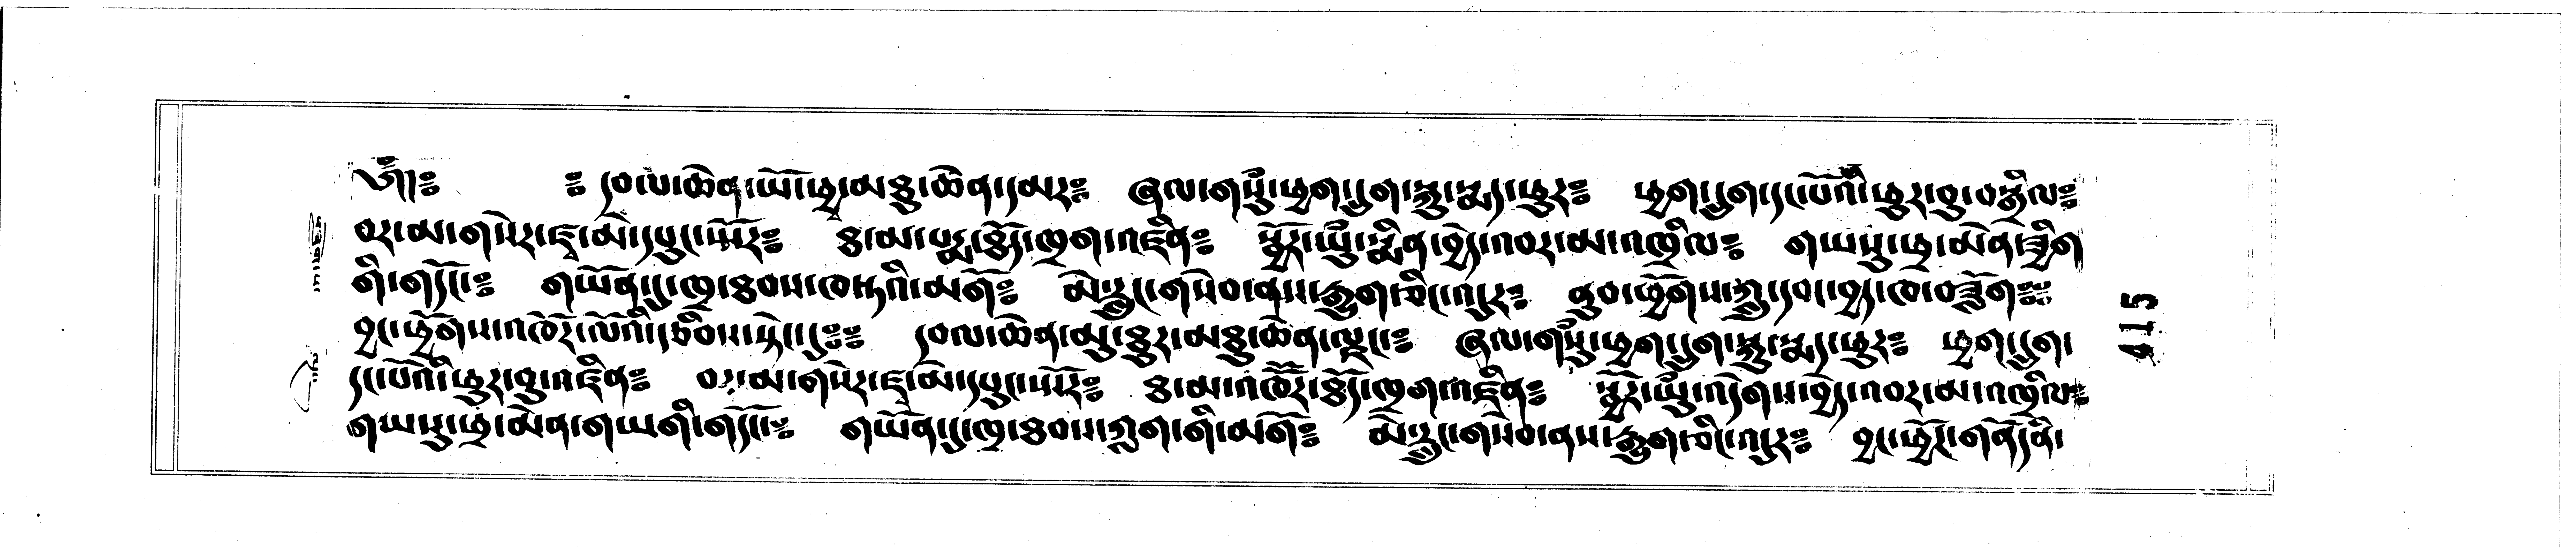༔དབལ་ཆེན་ཡོ་ཕྱྭ་མཐུ་ཆེན་དམར༔ཞལ་གསུམ་ཕྱག་དྲུག་སྐུ་སྨད་ཕུར༔ཕྱག་དྲུག་དང་པོའི་ཕུར་བུ་བསྒྲིལ༔
བར་མ་གསེར་ཛྭ་མེ་དཔུང་སྤོར༔ཐ་མ་པདྨ་ཐོད་ཁྲག་འཛིན༔སྦྱོར་ཡུམ་སྨིན་བྱེད་འབར་མ་འཁྲིལ༔གཡས་སུ་ཕྲ་མེན་གཟིག་
གི་གདོང༔གཡོན་དུ་ཁྲ་ཐབས་ཁ་རྟའི་མགོ༔མེ་རླུང་གསེབ་ནས་རྒྱུག་ཅིང་འདུར༔ནུབ་ཕྱོགས་ཀླུ་དབང་བྱད་ཁ་བཟློག༔
བྱང་ཕྱོགས་འཁོར་ལོའི་རྩིབས་སྟེང་དུ༔དབལ་ཆེན་མུ་ཐུར་མཐུ་ཆེན་ལྗང་༔ཞལ་གསུམ་ཕྱག་དྲུག་སྐུ་སྨད་ཕུར༔ཕྱག་དྲུག་
དང་པོའི་ཕུར་བུ་འཛིན༔ ཐ་མ་གསེར་ཛྭ་མེ་དཔུང་སྤོར༔ཐ་མ་འཁོར་ལོ་ཐོད་ཁྲག་འཛིན༔སྦྱོར་ཡུམ་འདེགས་བྱེད་འབར་མ་འཁྲིལ༔
གཡས་སུ་ཕྲ་མེན་གཡག་གི་གདོང་༔གཡོན་དུ་ཁྲ་ཐབས་ཀླག་གི་མགོ༔མེ་རླུང་གསེབ་ནས་རྒྱུག་ཅིང་འདུར༔བྱང་ཕྱོགས་གནོད་སྦྱིན་